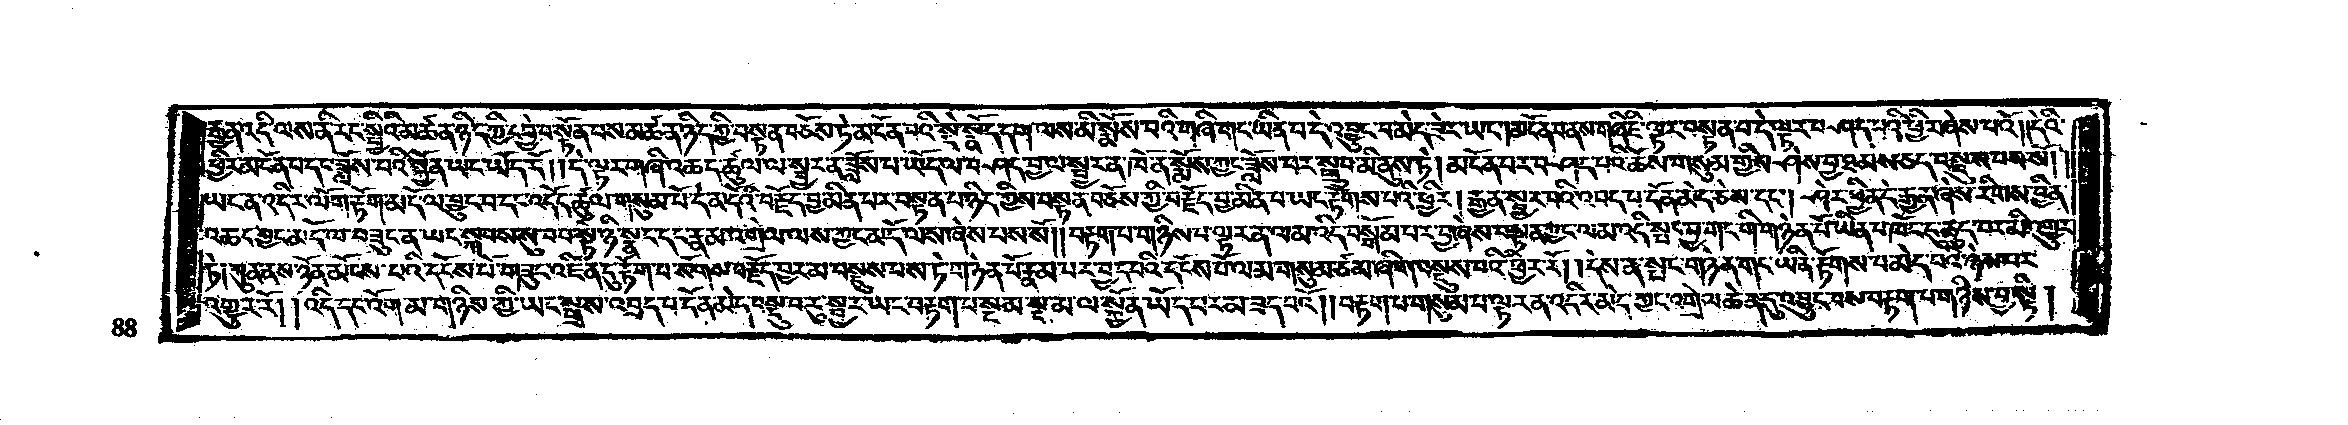རྒྱན་འདི་ལས་ནི་རང་སྤྱིའི་མཚན་ཉིད་ཀྱི་དབྱེ་བ་སྟོན་པས་མཚན་ཉིད་ཀྱི་བསྟན་བཅོས་ཏེ་མངོན་པའི་སྡེ་སྣོད་དག་ལས་མི་སྨོས་བའི་གཞི་གང་ཡིན་པ་དེ་འབྱུང་བ་མེད་ཟེར་ཡང་། མངོན་པ་ནས་གཞི་ཇི་ལྟར་བསྟན་པ་དེ་ལྟར་བཤད་པའི་ཕྱིར་ཞེས་པའོ། །དེའི་
ཕྱིར་མངོན་པ་དང་ཟློས་པའི་སྐྱོན་ཡང་ཡོད་དོ། །དེ་ལྟར་གཞི་འཆད་ཚུལ་ལ་སྦྱར་ན་ཟློས་པ་ཡོད་ལ་བཤད་བྱ་ལ་སྦྱར་ན་ཁོ་ན་སྨོས་ཀྱང་ཟློས་པར་སྒྲུབ་མི་ནུས་ཏེ། མངོན་པར་བཤད་པའི་ཆོས་གསུམ་གྱིས་ཤེས་བྱ་ཐམས་ཅད་བསྡུས་པས་སོ། །
ཡང་ན་འདིར་ལོག་རྟོག་མདོ་ལ་བྱུང་བ་དང་འདོད་ཚུལ་གསུམ་པོ་དེ་མདོའི་བརྗོད་བྱ་མིན་པར་བསྟན་པ་ཉིད་ཀྱིས་བསྟན་བཅོས་ཀྱི་བརྗོད་བྱ་མིན་པ་ཡང་རྟོགས་པའི་ཕྱིར། རྒྱན་སྦྱར་བའི་འབད་པ་དོན་མེད་ཅེས་དང་། ཤེར་ཕྱིན་དེ་རྒྱན་ཞེས་རིགས་བྱིན་
འཆད་ཀྱང་མདོ་ལ་བཟུང་ན་ཡང་སྐབས་སུ་བབ་སྟེ་ཉི་སྣང་དང་རྣམ་འགྲེལ་ལས་ཀྱང་མདོ་ལས་ཞེས་པས་སོ། །བརྟག་པ་གཉིས་པ་ལྟར་ན་ལམ་འདི་བསྒོམ་པར་བྱ་ཞེས་བསྟན་ཀྱང་ལམ་འདི་སྤང་བྱ་གང་གི་གཉེན་པོ་ཡིན་པ་ཁོང་དུ་ཆུད་པར་མི་འགྱུར་
ཏེ། ཀུན་ནས་ཉོན་མོངས་པའི་དངོས་པོ་གཟུང་འཛིན་དུ་རྟོག་པ་སོགས་བརྗོད་བྱར་མ་བསྡུས་པས་ཏེ་གཉེན་པོ་རྣམ་པར་བྱད་པའི་དངོས་པོ་ལམ་གསུམ་ཙམ་ཞིག་བསྡུས་པའི་ཕྱིར་རོ། །དེས་ན་སྤང་གཉེན་གང་ཡིན་རྟོགས་པ་མེད་པའི་ཉེས་པར་
འགྱུར་རོ། །འདི་དང་འོག་མ་གཉིས་ཀྱི་ཡང་སྒྲས་འབད་པ་དོན་མེད་བསྡུ་བ་རུ་སྦྱར་ཡང་བརྟག་པ་སྔ་མ་སྔ་མ་ལ་སྐྱོན་ཡོད་པར་མ་ཟད་པའོ། །བརྟག་པ་གསུམ་པ་ལྟར་ན་འདིར་མེད་ཀྱང་འགྲལ་ཆེན་དུ་འབྱུང་བས་བརྟག་པ་གཉིས་བྱ་སྟེ།